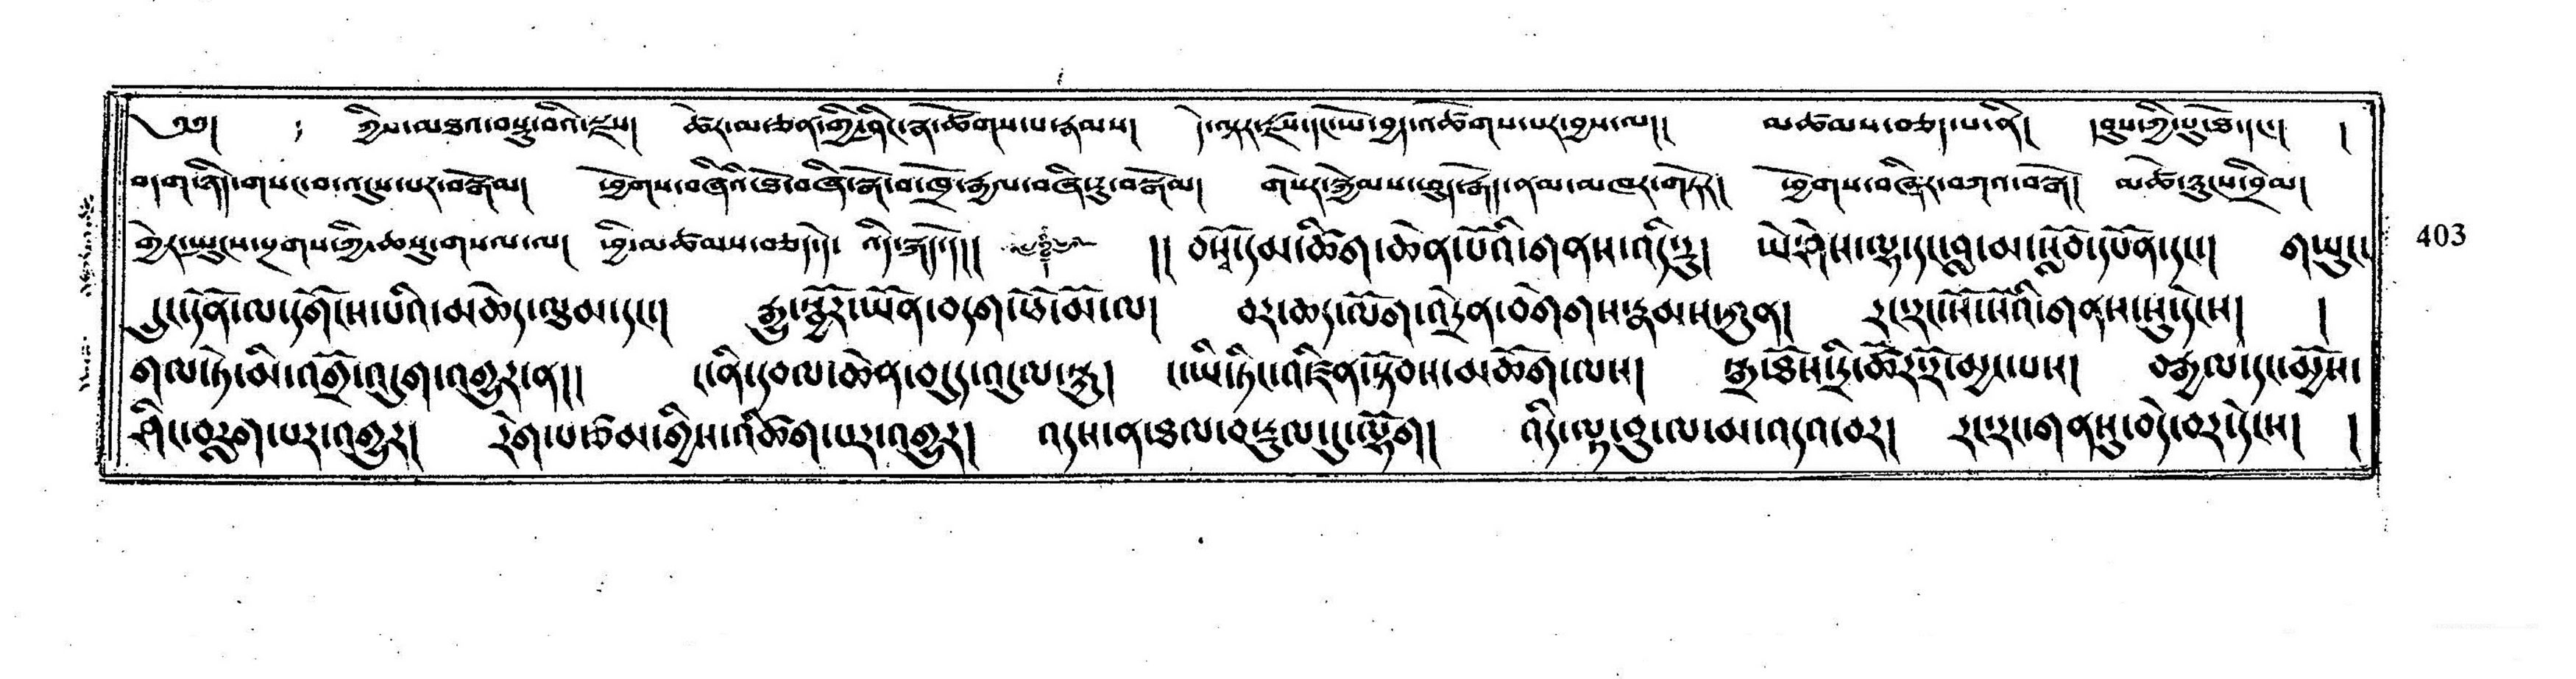ཀྱི་མཐའ་བསྡུ་བའི་རྫས། ཚེར་མ་ཅན་གྱི་ཤིང་སྣ་ཚོགས་པ་རྣམས། དེ་ལྟར་རྫས་དང་ཡོ་བྱད་འཚོགས་བྱས་ལ།། མཚམས་བཅད་པ་ནི། དབུས་ཀྱི་པུ་ཐོ་དང་། 
བདག་ཉིད་གསང་བ་འདུས་པར་བསྒོམ། ཕྱོགས་བཞིའི་ཐོ་བཞི་སྒོ་བ་ཁྲོ་རྒྱལ་བཞི་རུ་བསྒོམ། གསེར་སྐྱེམས་ཕུད་རྒོད་ནམ་མཁར་གཏོར། ཕྱོགས་བཞིར་བཀའ་བསྒོ། མཚེ་ཉུངས་བྲིམ། 
གྱེར་སྤུངས་སྔགས་ཀྱི་ཆས་སུ་གསལ་ལ། ཕྱི་མཚམས་བཅད་དེ། འདི་སྐད་དོ། {413} །།བསྭོ་དམ་ཚིག་ཆེན་པོའི་གནས་འདི་རུ།། ཡེ་ཤེས་ལྷ་དང་བླ་མ་སློབ་དཔོན་དང་། གཡུང་
དྲུང་དོན་ལ་དགོངས་པའི་མཆེད་ལྕམ་དང་། རྒྱུ་སྦྱོར་ཡོན་བདག་ཕོ་མོ་ལ། བར་ཆད་ལོག་འདྲེན་བགེགས་རྣམས་ཀུན། རང་རང་སོ་སོའི་གནས་སུ་དེངས། 
གལ་ཏེ་མི་འགྲོ་འདུག་འགྱུར་ན།། ང་ནི་དབལ་ཆེན་བདུད་འདུལ་སྐུ།། ང་ཡི་ཏིང་འཛིན་སྟོབས་མཆོག་ལས།། སྒྲ་ཐོས་དྲི་ཚོར་རོ་མྱང་པས།། བརྒྱལ་དང་མྱོས་
ཤིང་བརླག་པར་འགྱུར།། རེག་པ་ཙམ་གྱིས་འཚིག་པར་འགྱུར། འདས་ན་ཐལ་བ་རྡུལ་དུ་ལྷོག །འདི་ལྟ་བུ་ལ་མ་འདའ་བར། རང་རང་གནས་སུ་བདེ་བར་དེངས།